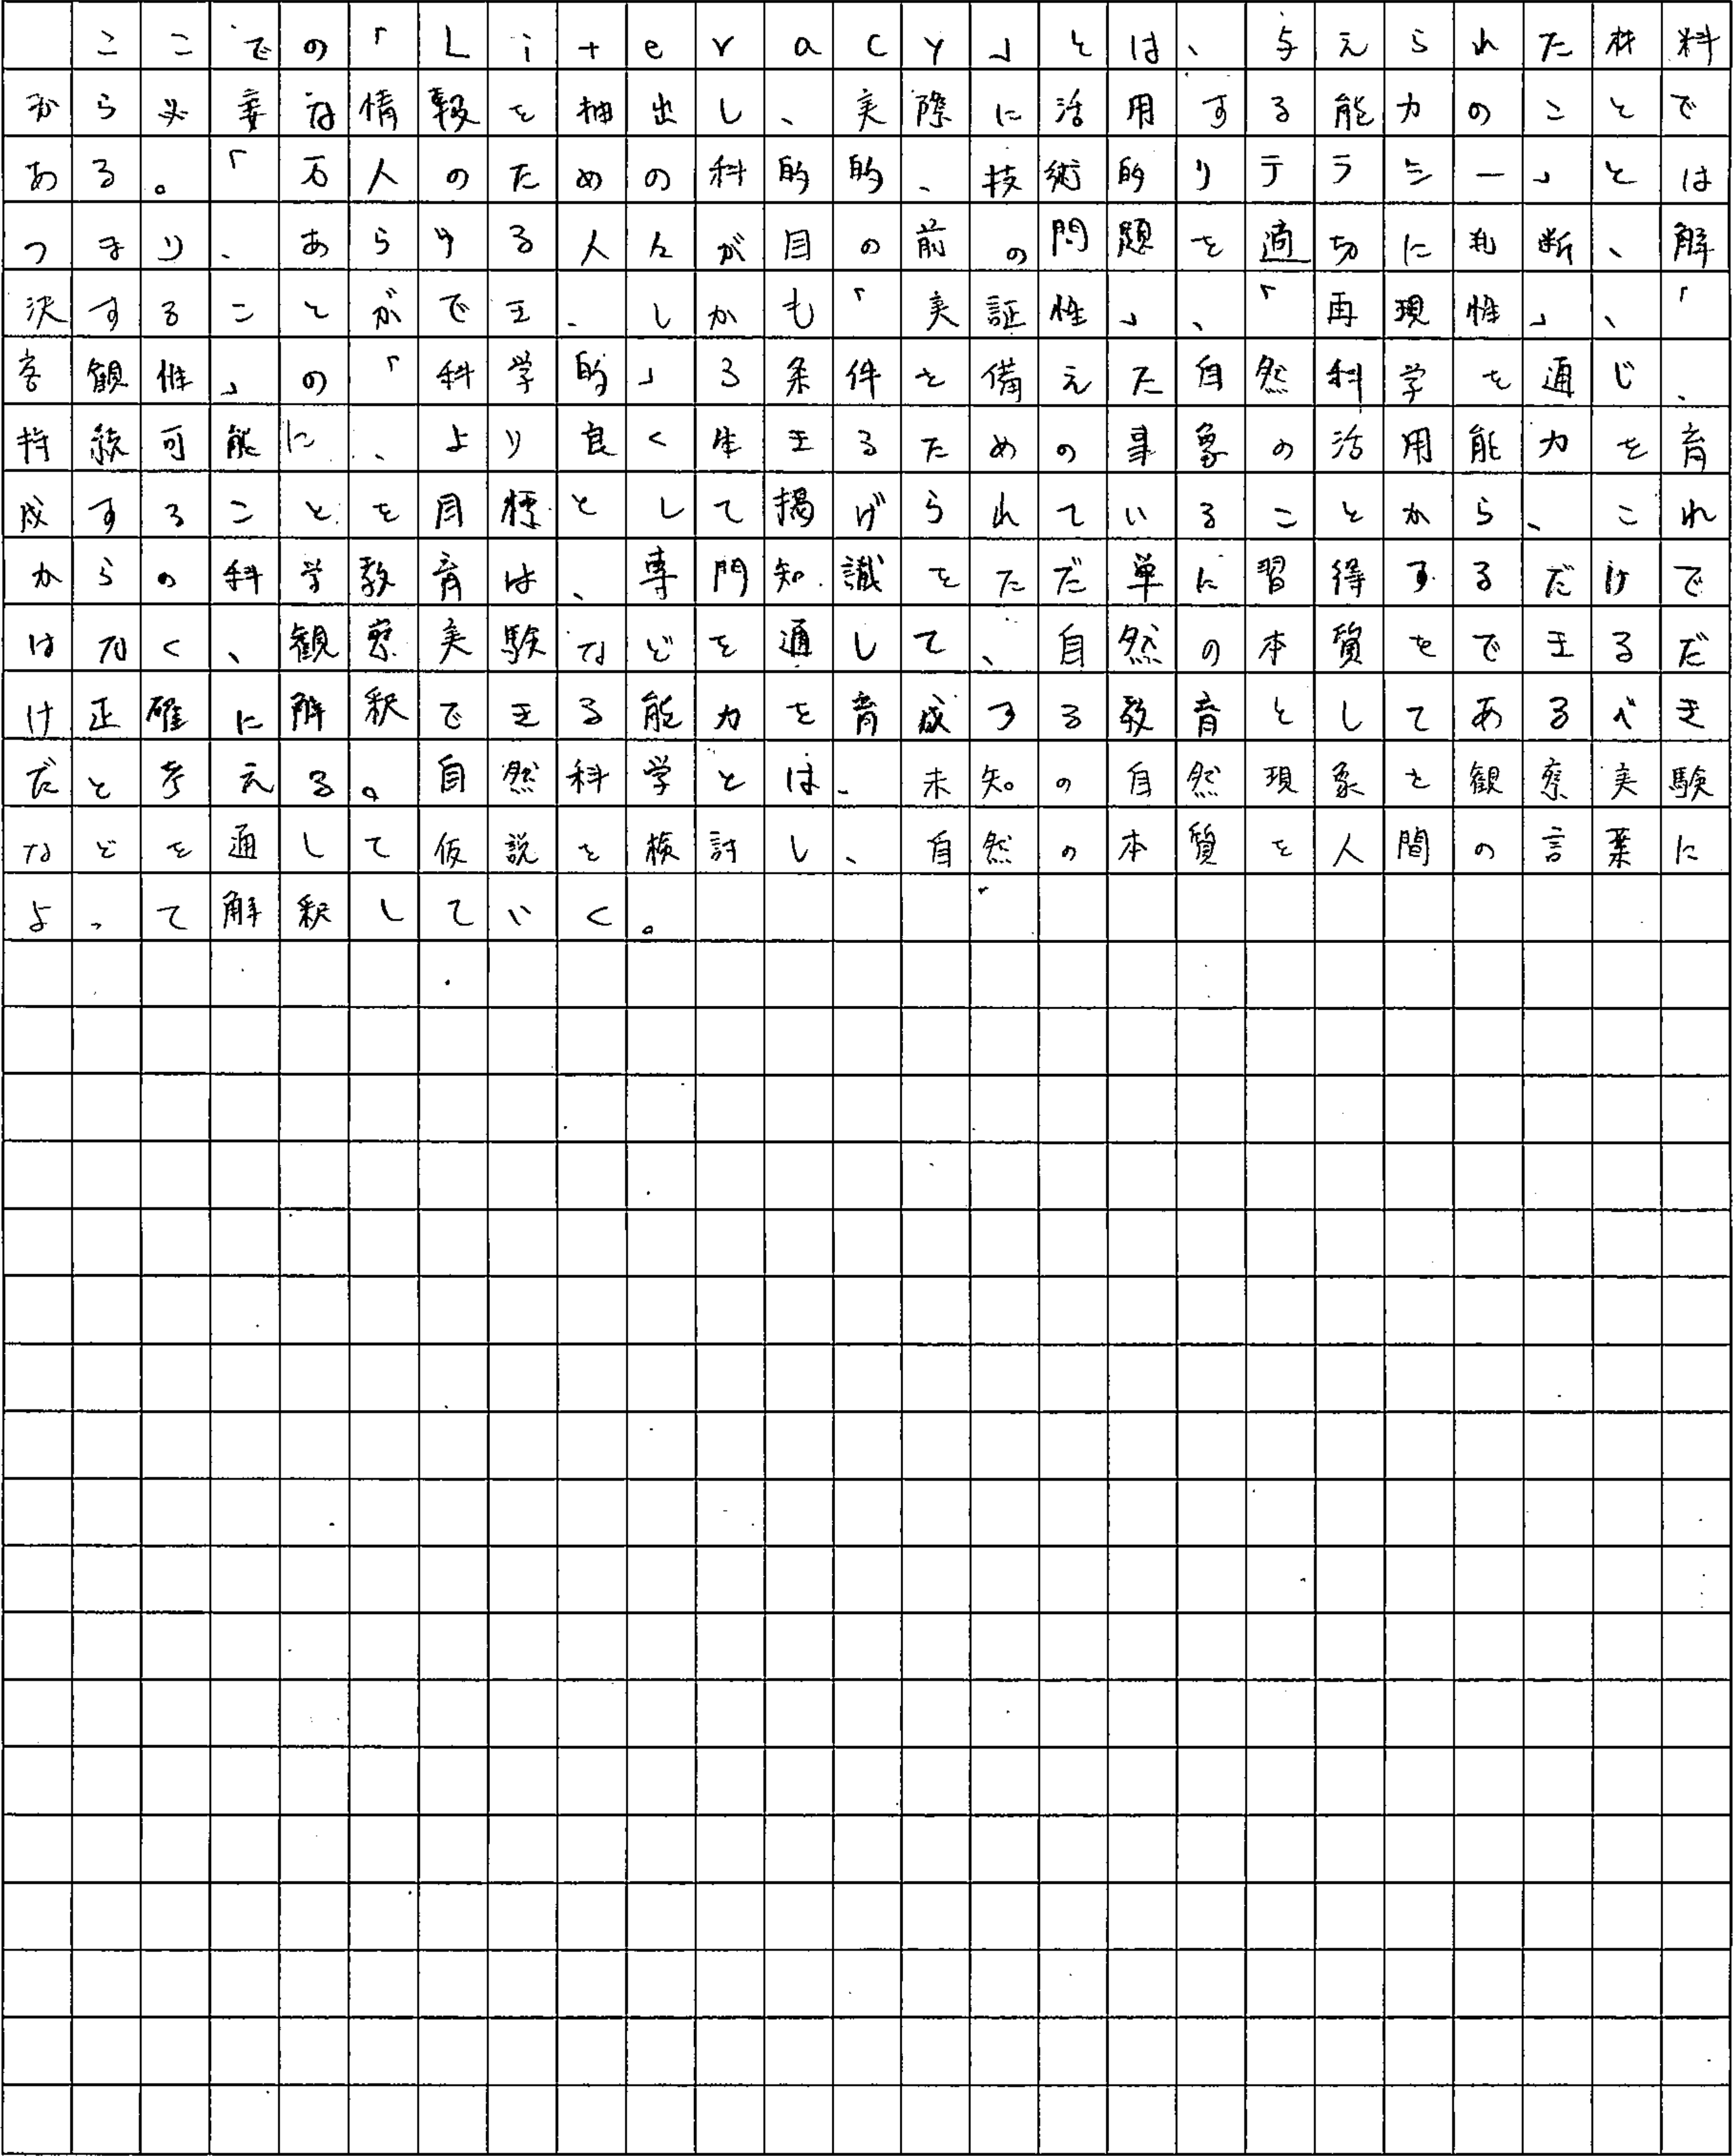　ここでの「Lｉｔｅｒａｃｙ」とは、与えられた材料から必要な情報を抽出し、実際に活用する能力のことである。「万人のための科的的、技術的リテラシー」とはつまり、あらゆる人々が目の前の問題を適切に判断、解決することができ、しかも「実証性」、「再現性」、「客観性」の「科学的」３条件を備えた自然科学を通じ、持続可能に、より良く生きるための事象の活用能力を育成することを目標として掲げられていることから、これからの科学教育は、専門知識をただ単に習得するだけではなく、観察実験などを通して、自然の本質をできるだけ正確に解釈できる能力を育成する教育としてあるべきだと考える。自然科学とは、未知の自然現象を観察実験などを通して仮説を検討し、自然の本質を人間の言葉によって解釈していく。
